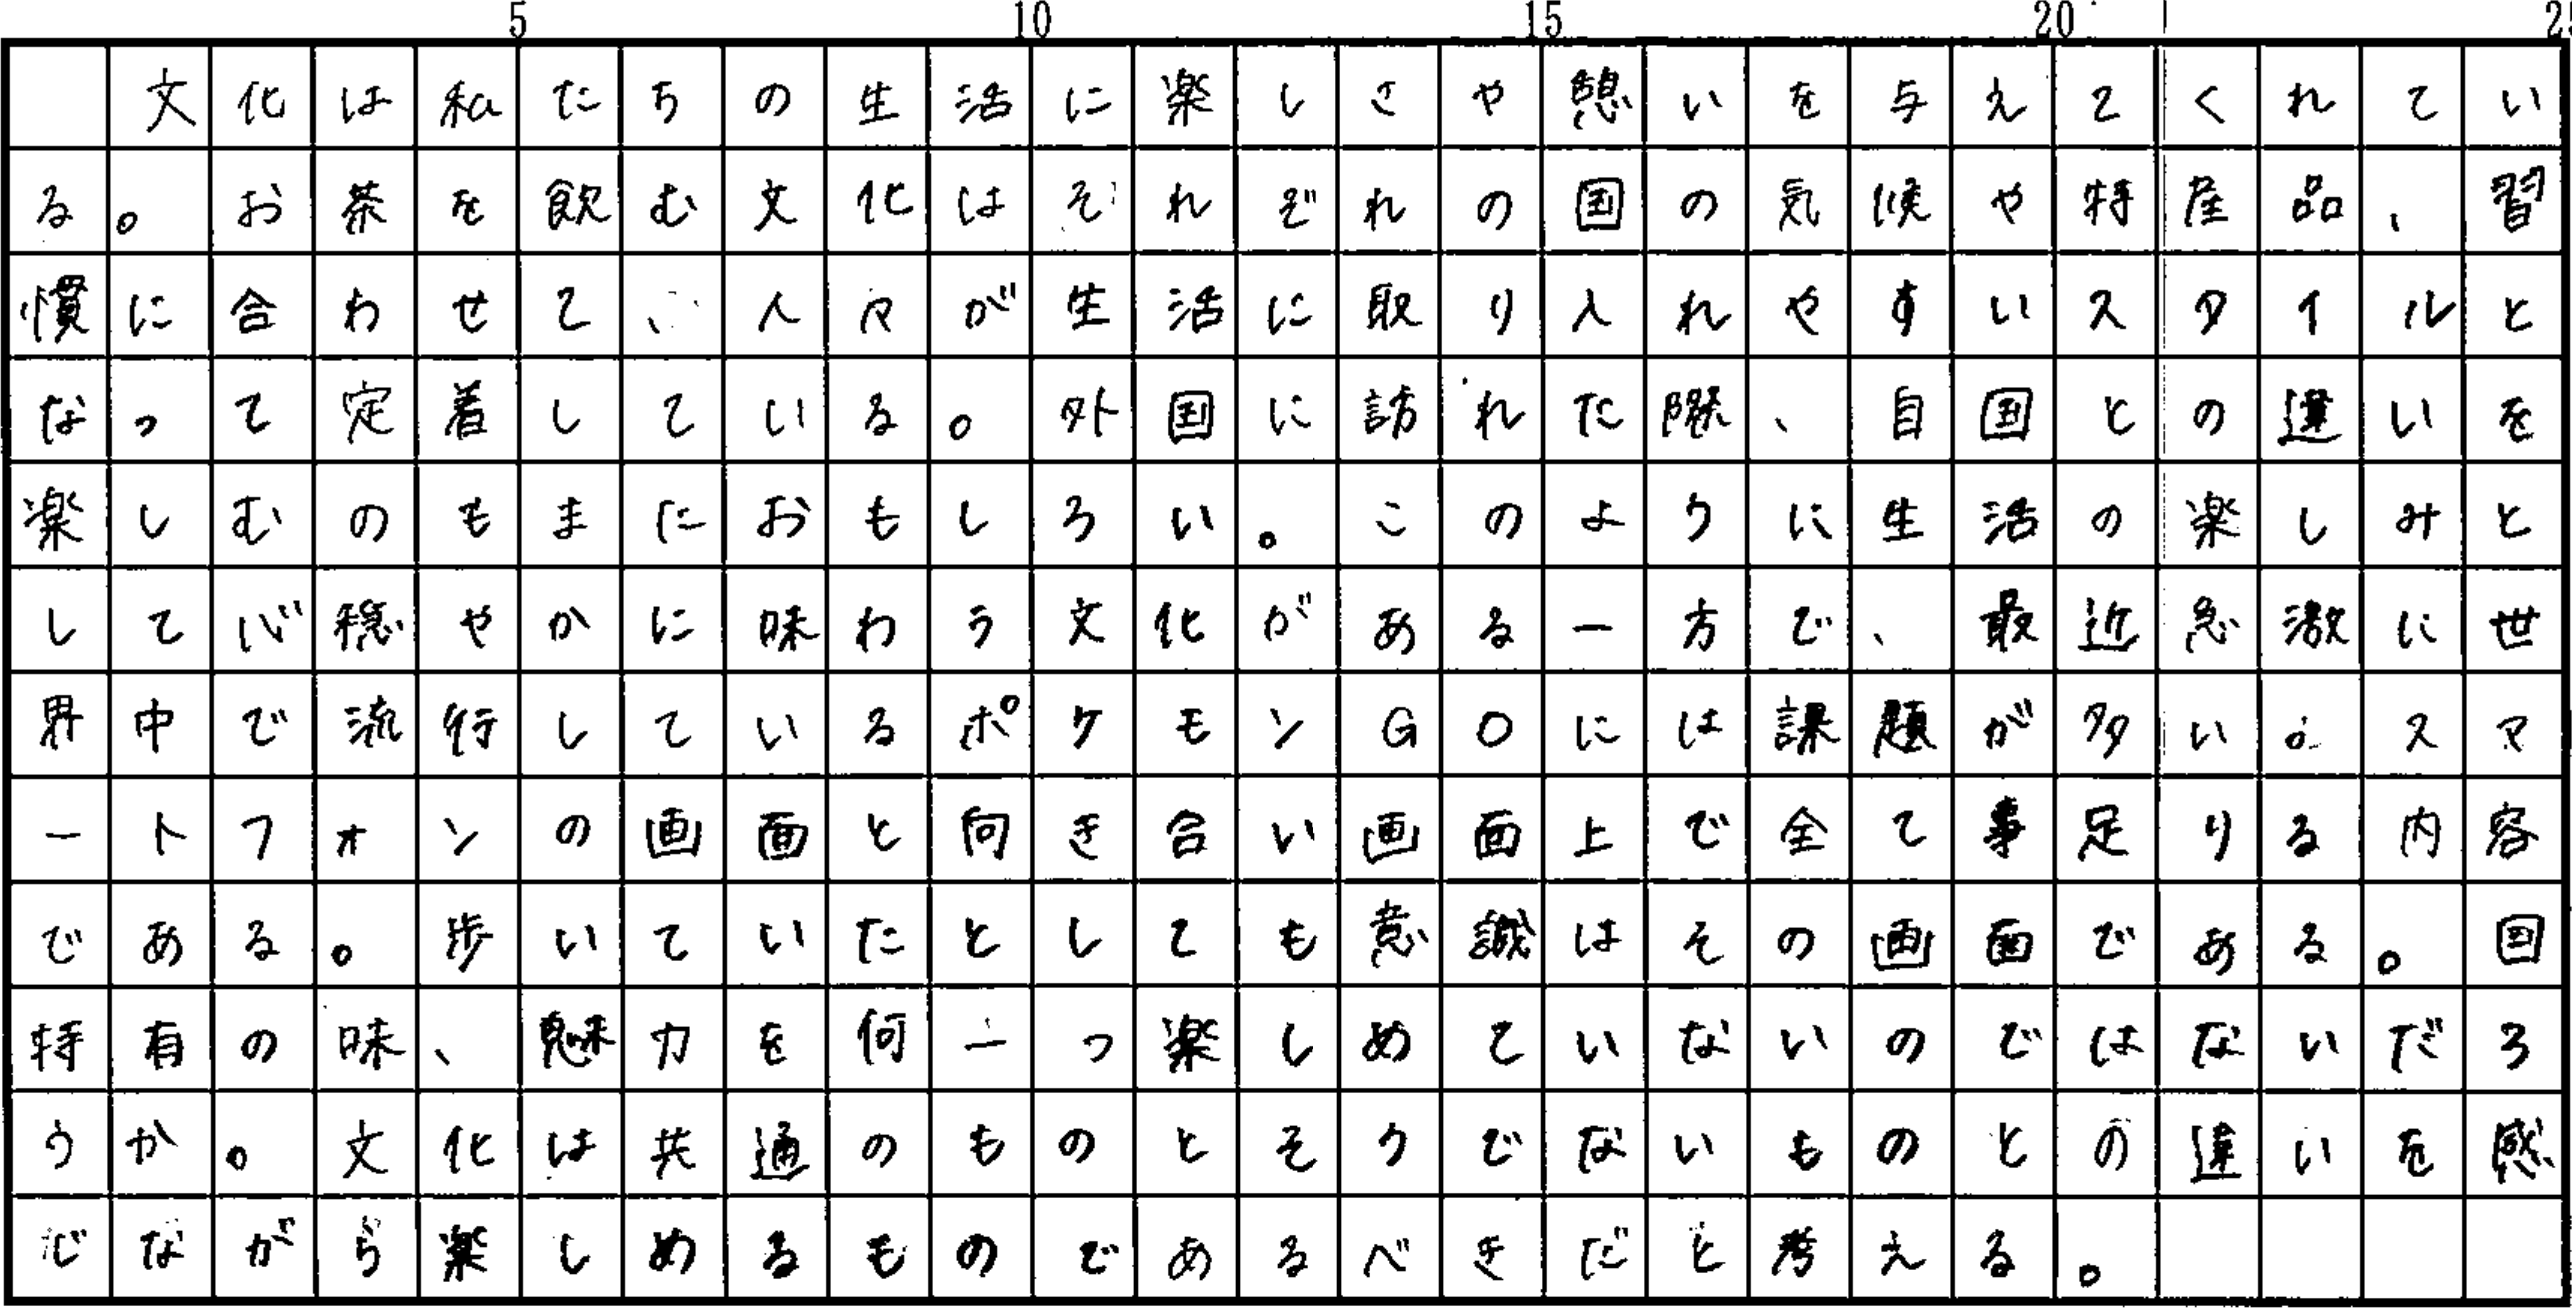　文化は私たちの生活に楽しさや憩いを与えてくれている。お茶を飲む文化はそれぞれの国の気候や特産品、習慣に合わせて、人々が生活に取り入れやすいスタイルとなって定着している。外国に訪れた際、自国との違いを楽しむのもまたおもしろい。このように生活の楽しみとして心穏やかに味わう文化がある一方で、最近急激に世界中で流行しているポケモンＧＯには課題が多い。スマートフォンの画面と向き合い画面上で全て事足りる内容である。歩いていたとしても意識はその画面である。国特有の味、魅力を何一つ楽しめていないのではないだろうか。文化は共通のものとそうでないものとの違いを感じながら楽しめるものであるべきだと考える。
